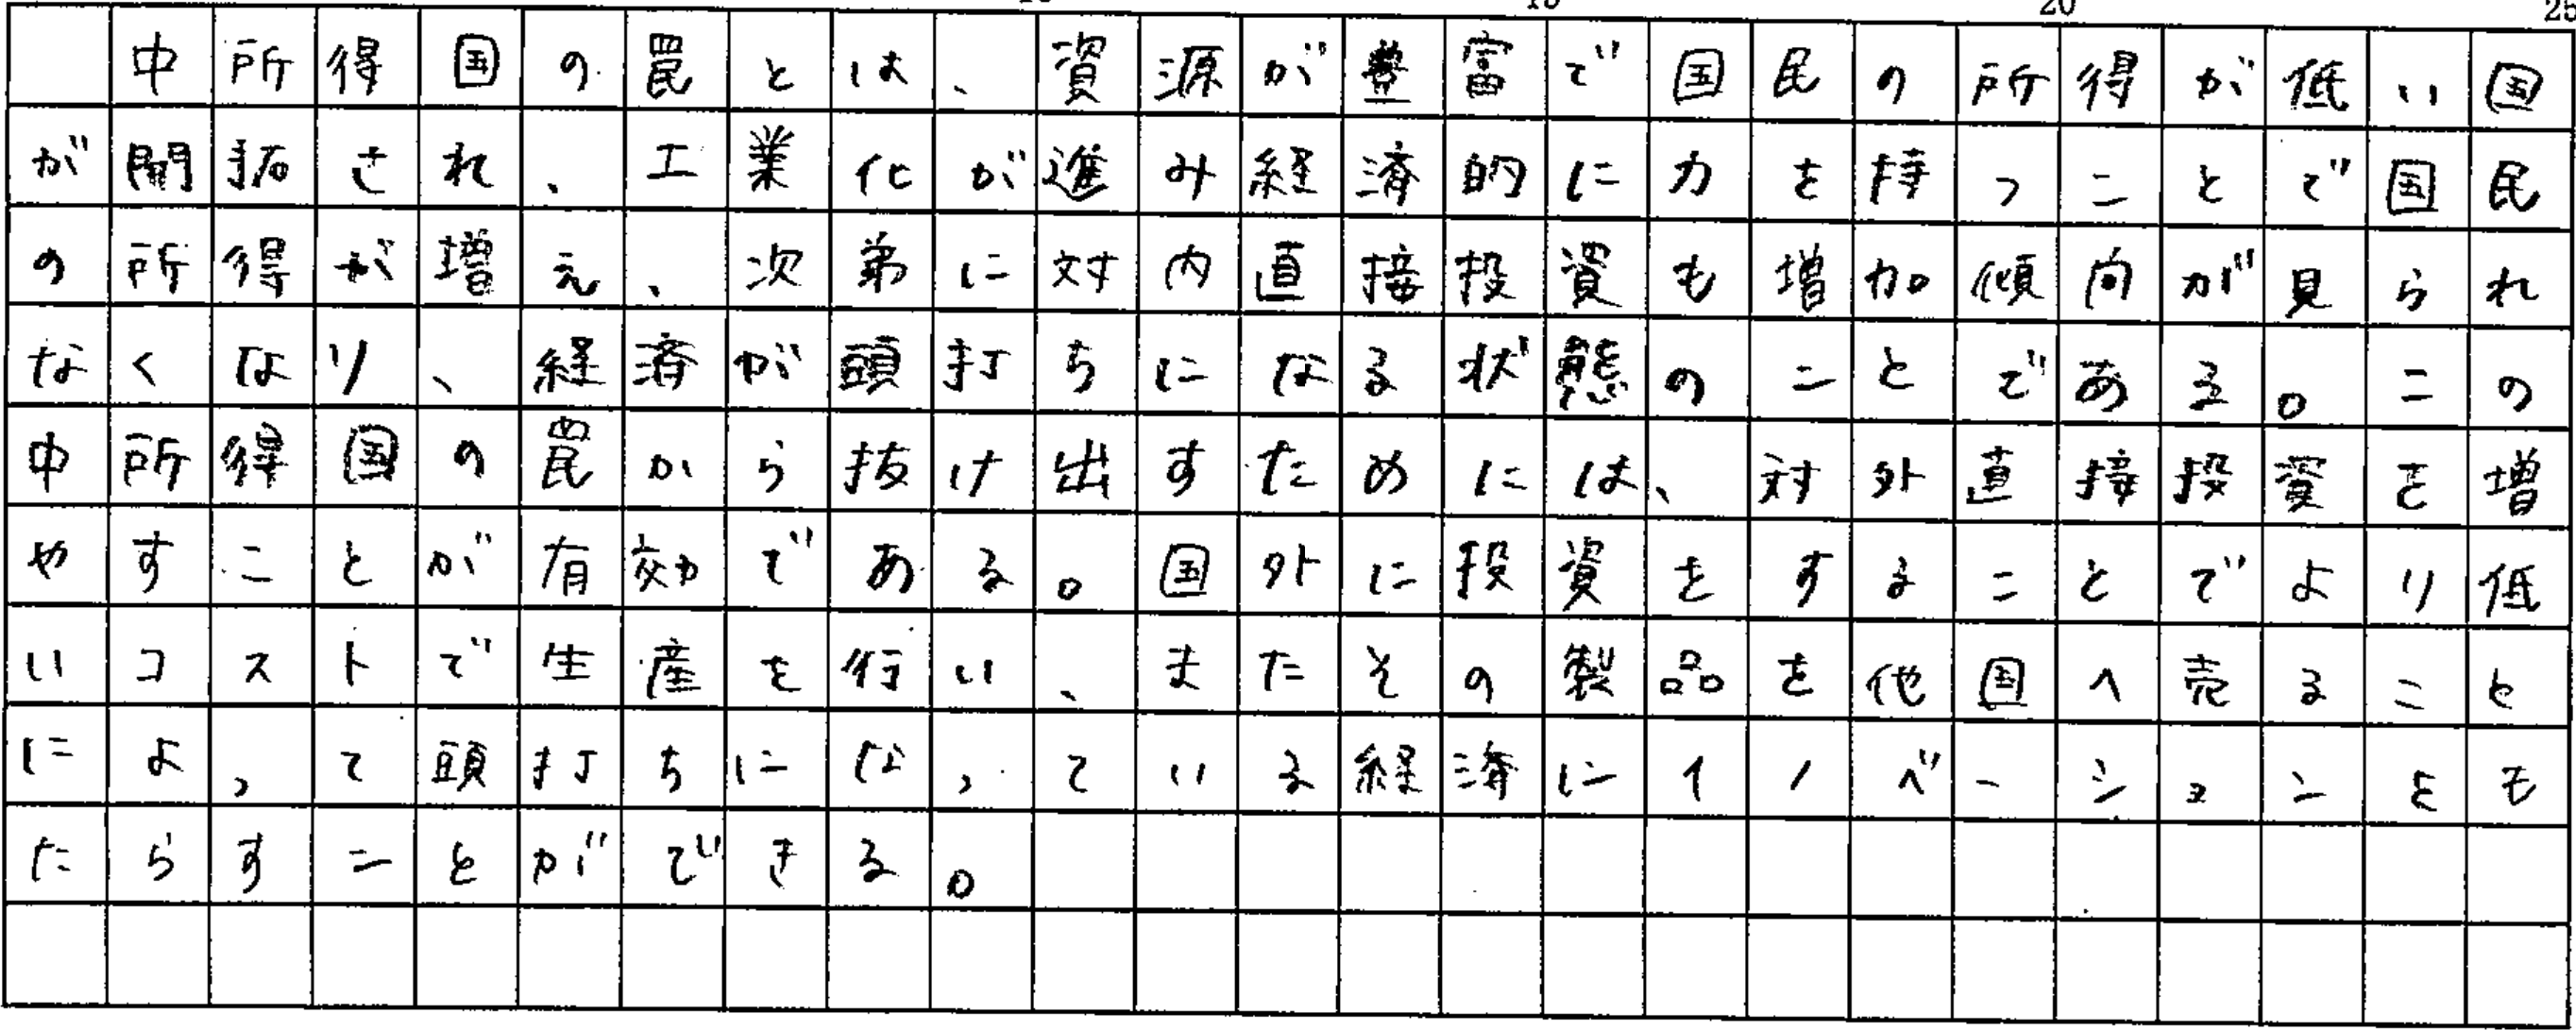　中所得国の罠とは、資源が豊富で国民の所得が低い国が開拓され、工業化が進み経済的に力を持つことで国民の所得が増え、次弟に対内直接投資も増加傾向が見られなくなり、経済が頭打ちになる状態のことである。この中所得国の罠から抜け出すためには、対外直接投資を増やすことが有効である。国外に投資をすることでより低いコストで生産を行い、またその製品を他国へ売ることによって頭打ちになっている経済にイノベーションをもたらすことができる。
